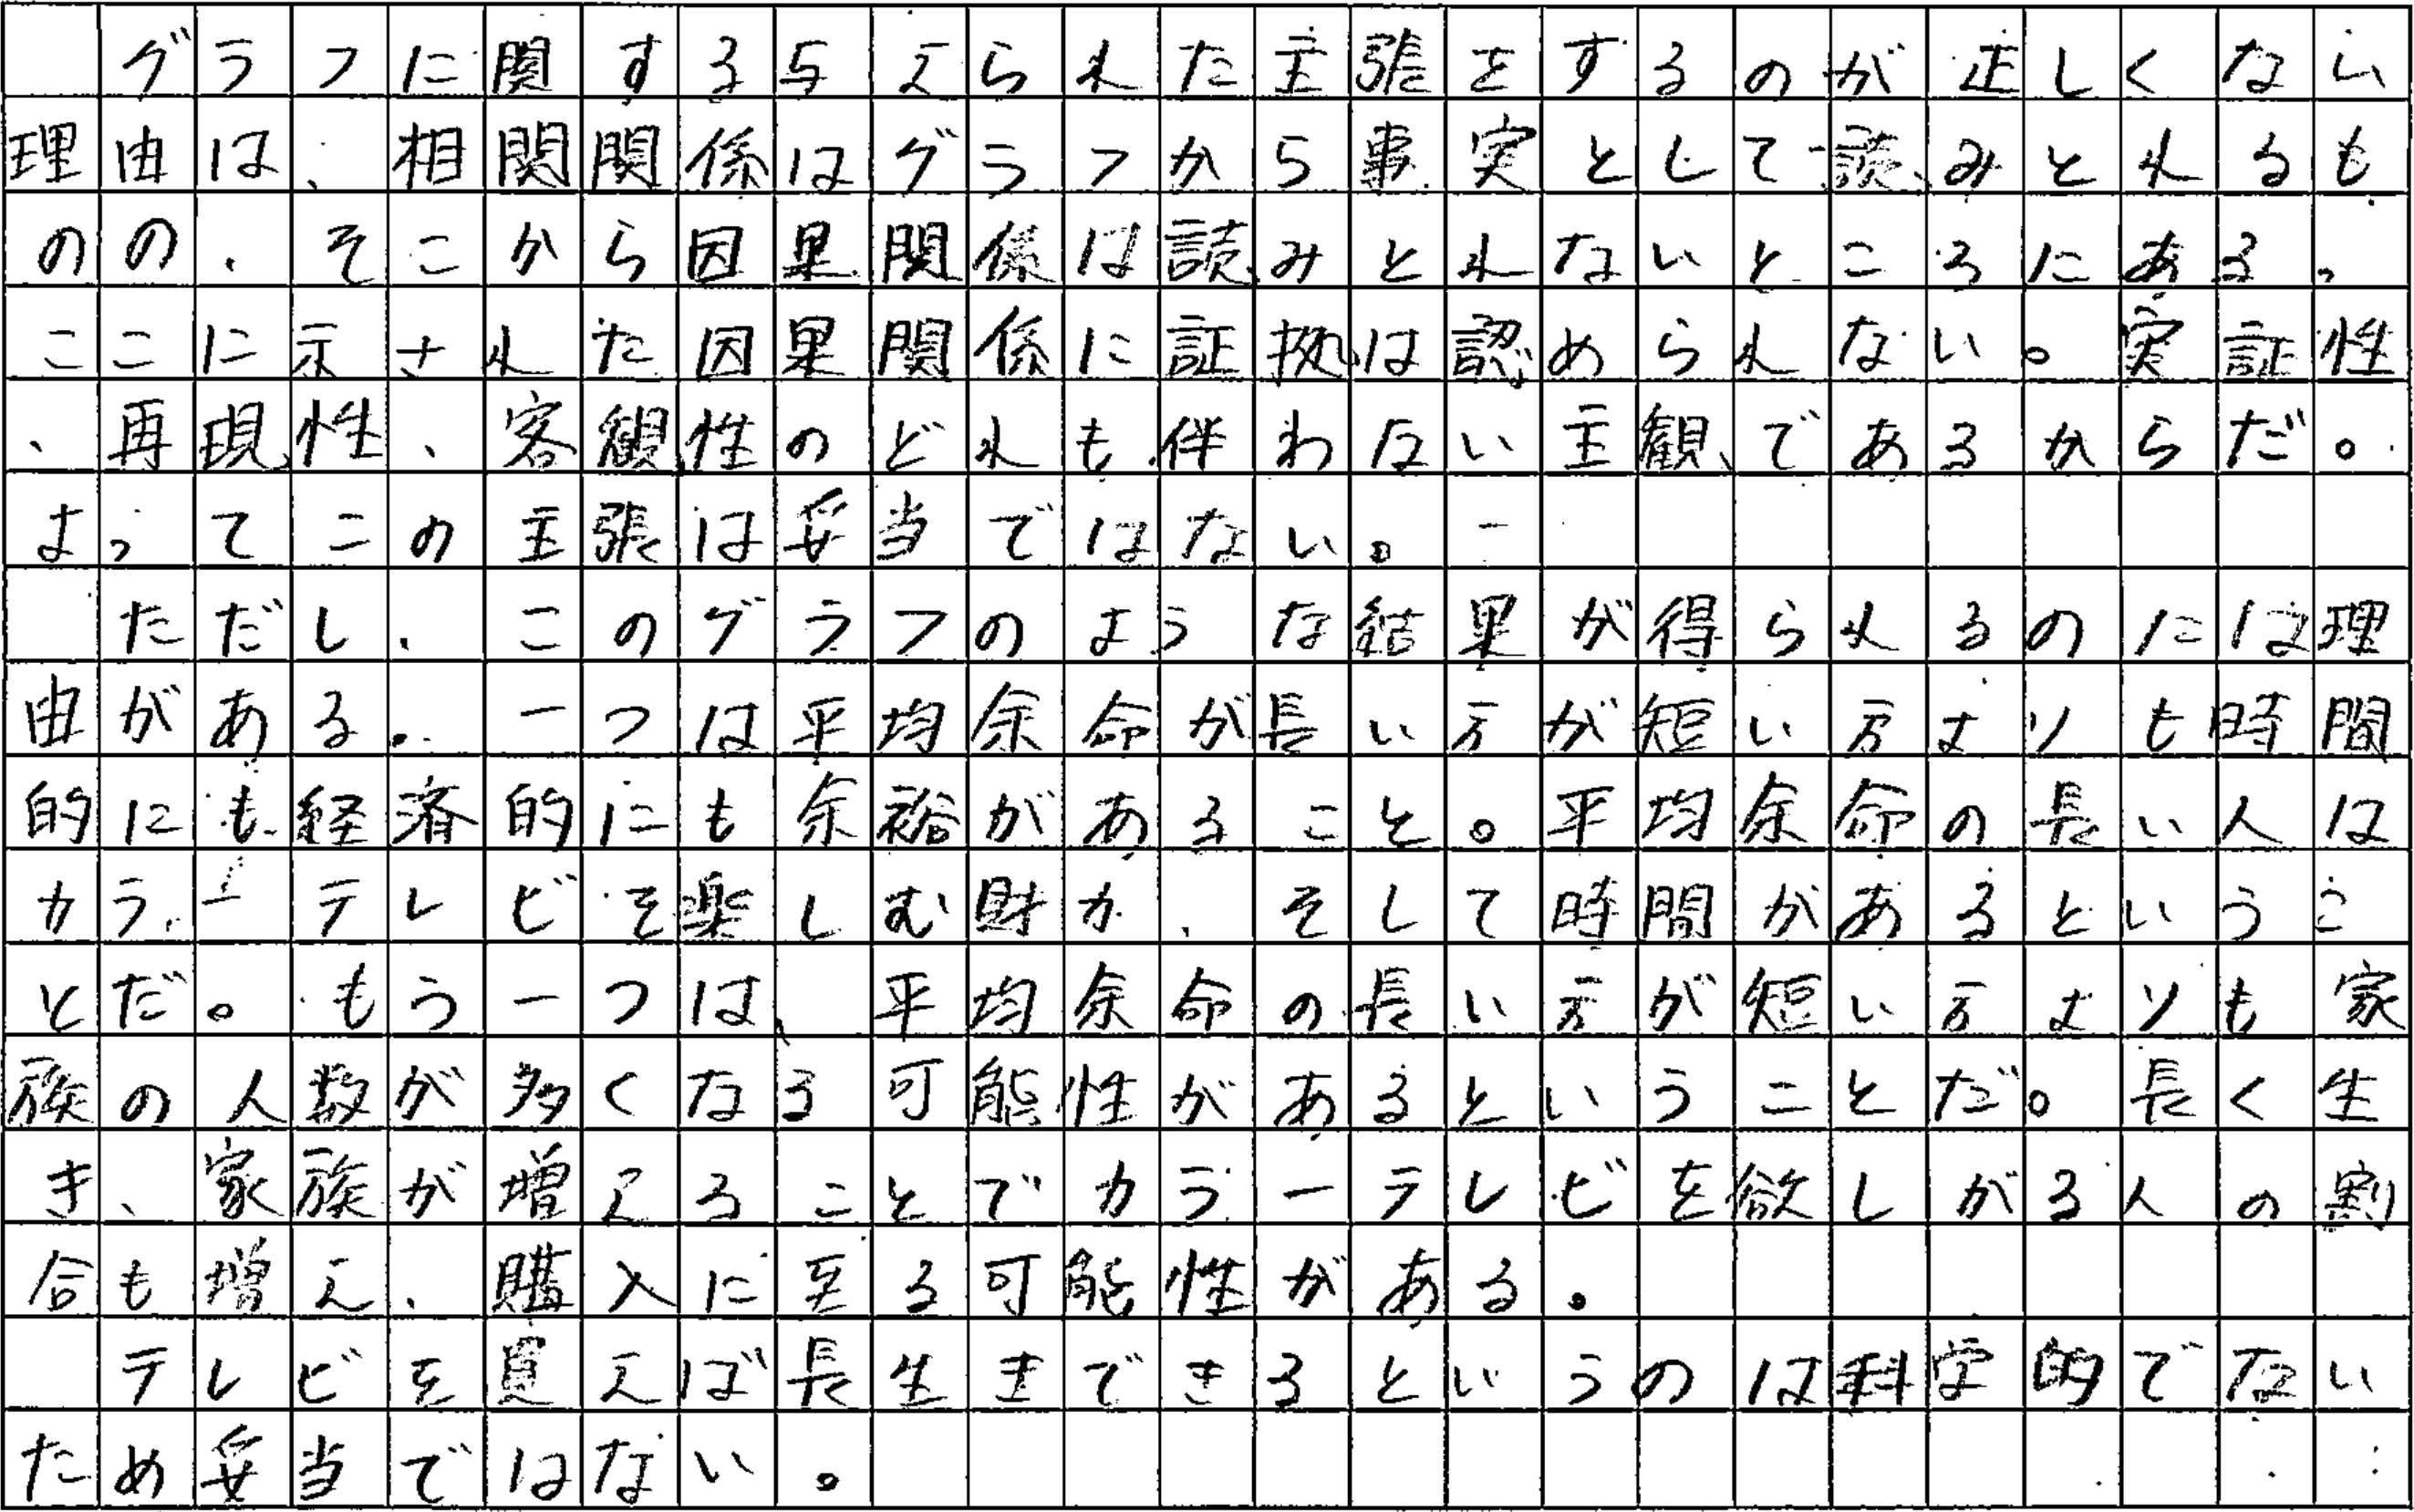　グラフに関する与えられた主張をするのが正しくない理由は、相関関係はグラフから事実として読みとれるものの、そこから因果関係は読みとれないところにある。ここに示された因果関係に証拠は認められない。実証性、再現性、客観性のどれも伴わない主観であるからだ。よってこの主張は妥当ではない。
　ただし、このグラフのような結果が得られるのには理由がある。一つは平均余命が長い方が短い方よりも時間的にも経済的にも余裕があること。平均余命の長い人はカラーテレビを楽しむ財力、そして時間があるということだ。もう一つは、平均余命の長い方が短い方よりも家族の人数が多くなる可能性があるということだ。長く生き、家族が増えることでカラーテレビを欲しがる人の割合も増え、購入に至る可能性がある。
　テレビを買えば長生きできるというのは科学的でないため妥当ではない。
